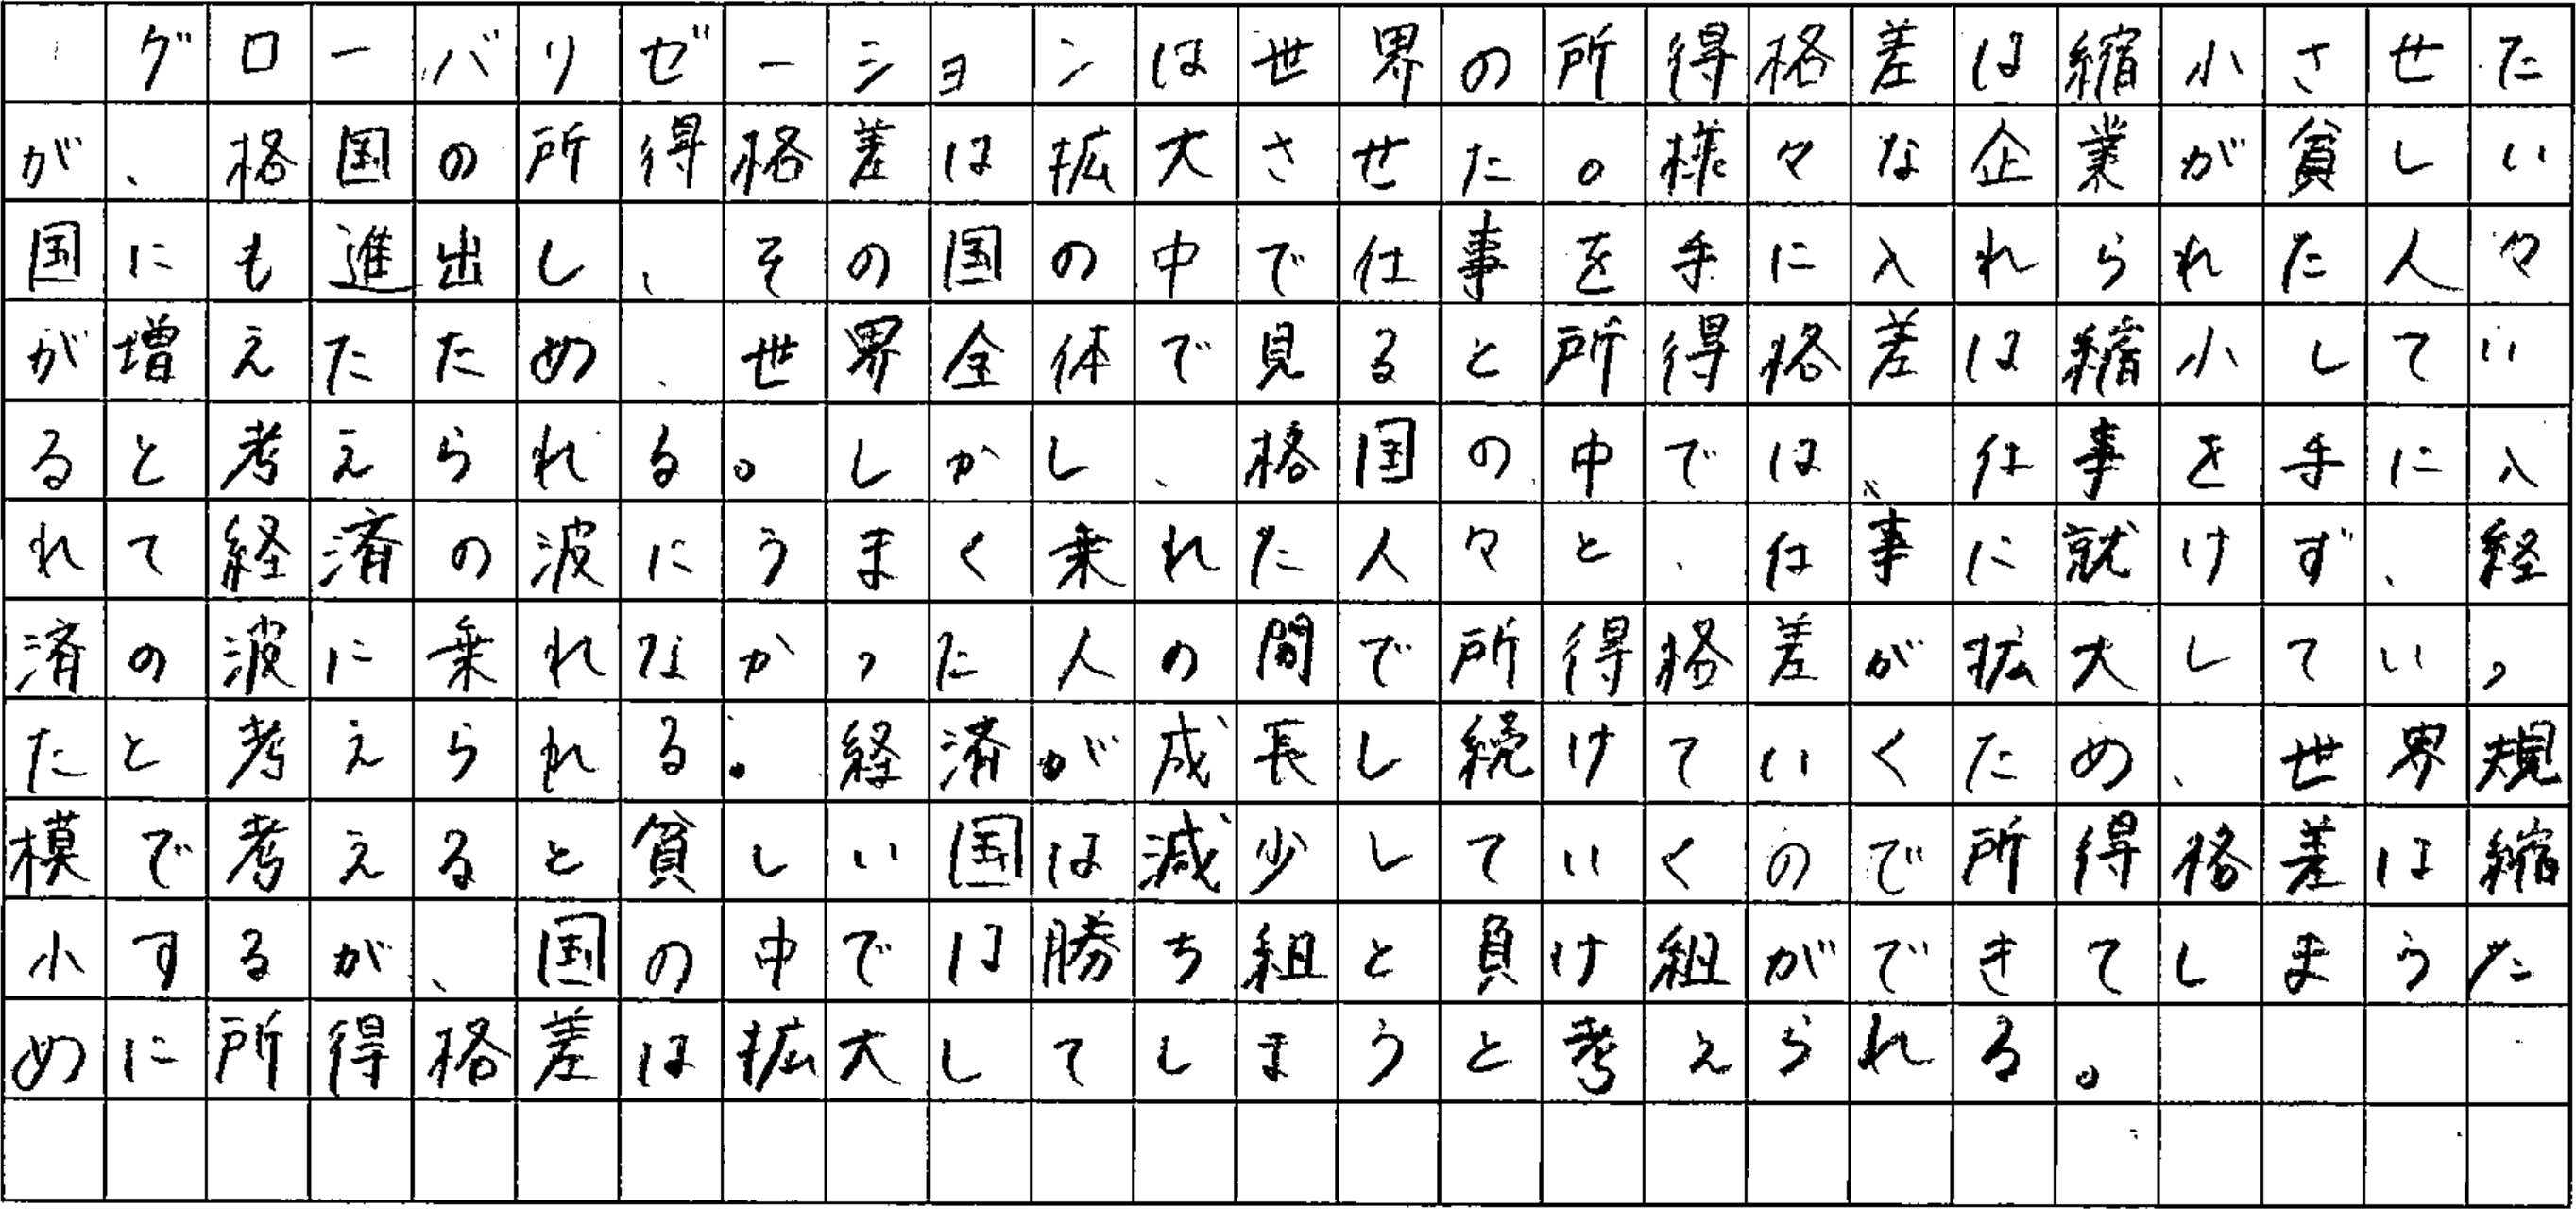　グローバリゼーションは世界の所得格差は縮小させたが、格国の所得格差は拡大させた。様々な企業が貧しい国にも進出し、その国の中で仕事を手に入れられた人々が増えたため、世界全体で見ると所得格差は縮小していると考えられる。しかし、格国の中では、仕事を手に入れて経済の波にうまく乗れた人々と、仕事に就けず、経済の波に乗れなかった人の間で所得格差が拡大していったと考えられる。経済が成長し続けていくため、世界規模で考えると貧しい国は減少していくので所得格差は縮小するが、国の中では勝ち組と負け組ができてしまうために所得格差は拡大してしまうと考えられる。
